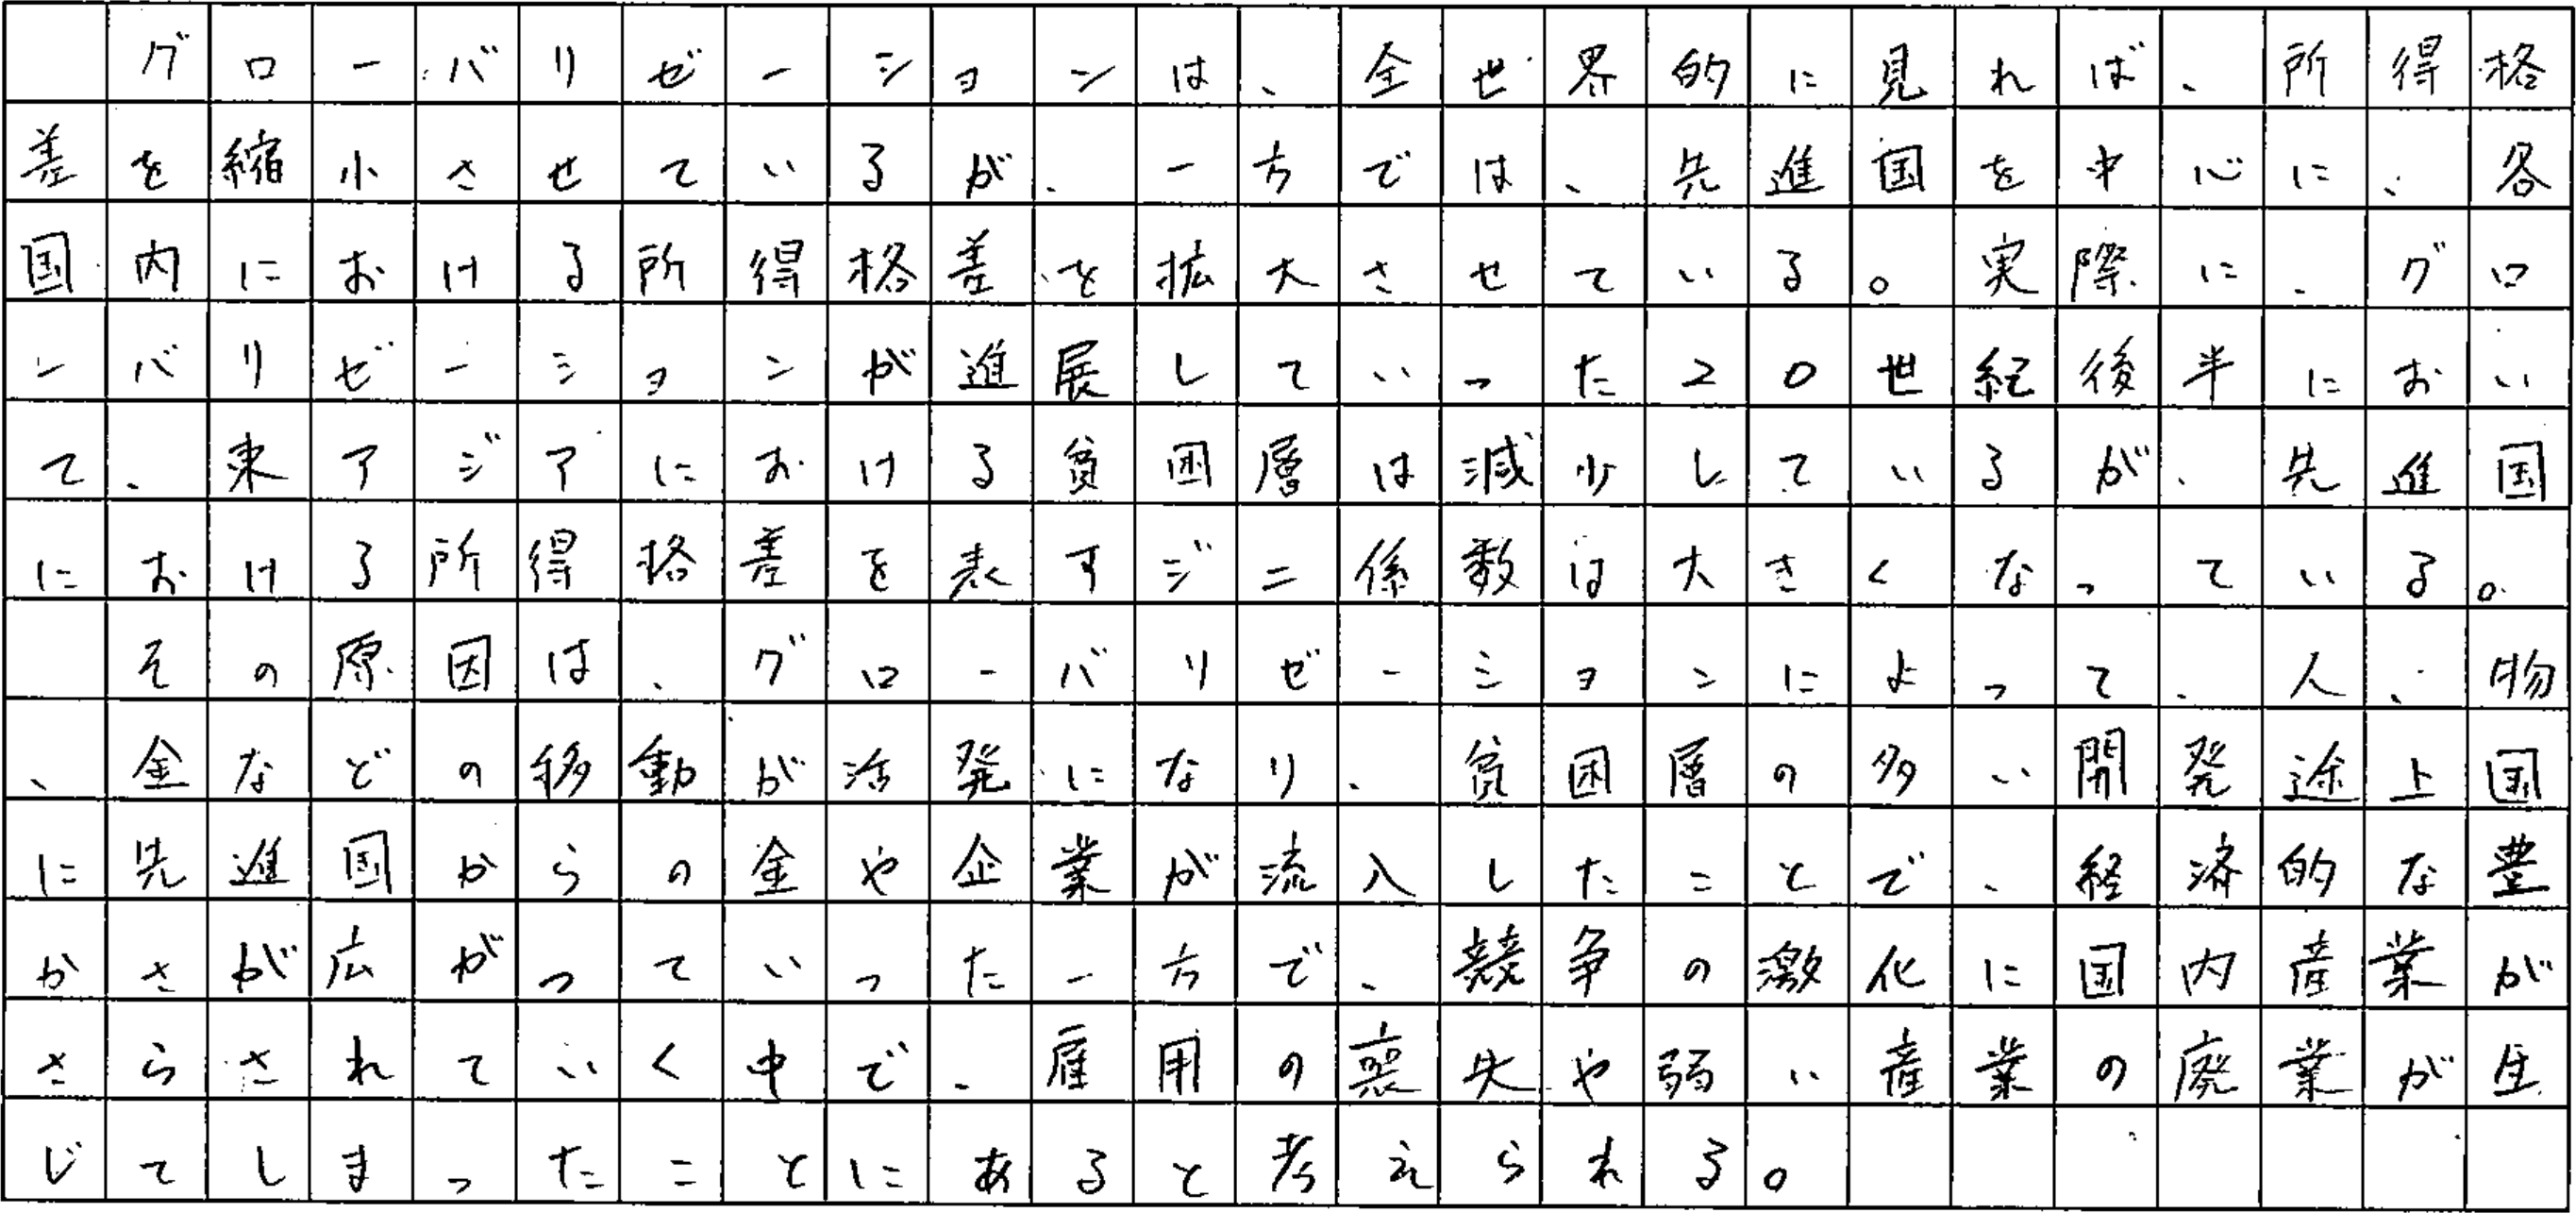　グローバリゼーションは、全世界的に見れば、所得格差を縮小させているが、一方では、先進国を中心に、各国内における所得格差を拡大させている。実際に、グローバリゼーションが進展していった２０世紀後半において、東アジアにおける貧困層は減少しているが、先進国における所得格差を表すジニ係数は大きくなっている。
　その原因は、グローバリゼーションによって、人、物、金などの移動が活発になり、貧困層の多い開発途上国に先進国からの金や企業が流入したことで、経済的な豊かさが広がっていった一方で、競争の激化に国内産業がさらされていく中で、雇用の▁失や弱い産業の廃業が生じてしまったことにあると考えられる。
